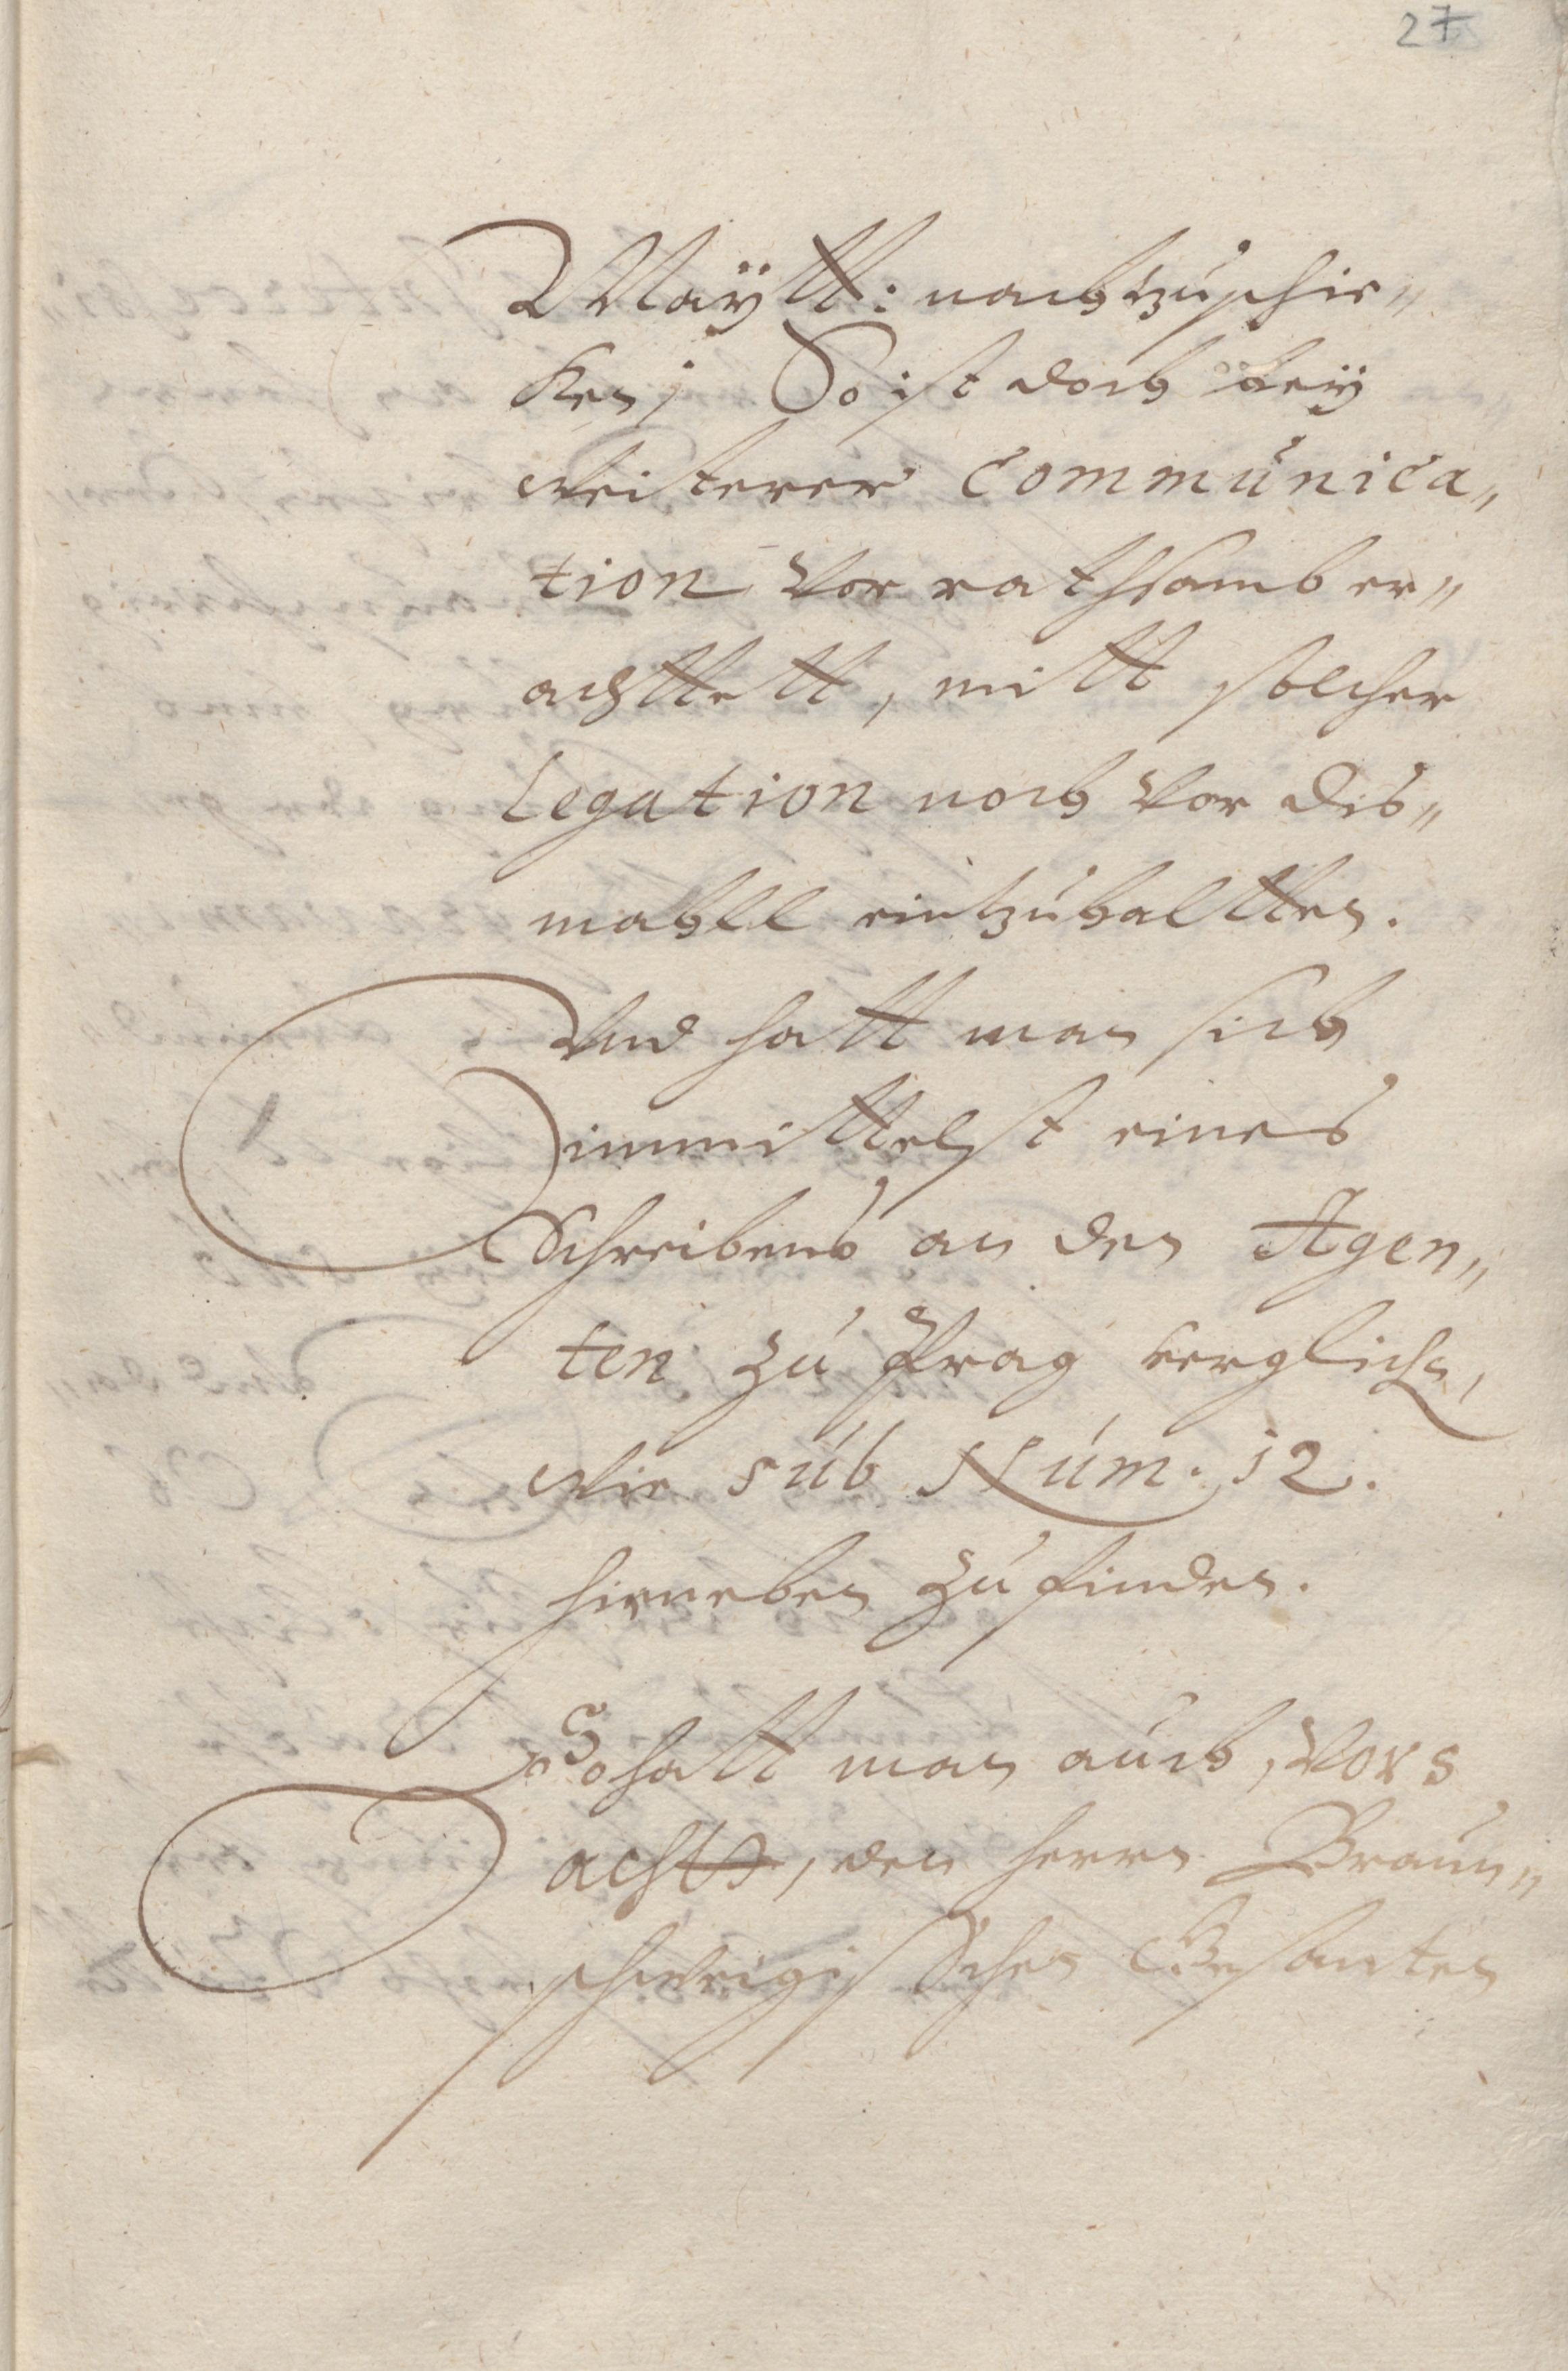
Maijtt: nachtzuschic¬
ken, So ist doch beij
weiterer communica¬
tion vor rathsamb er¬
achttett, mitt solcher
Legation noch vor dis¬
mahll eintzuhaltten.
Vnd hatt man sich
immittelst eines
Schreibens an den Agen¬
ten zu Prag verglichen,
wie sub Num. 12.
hirneben zu finden.
So hatt man auch, vors¬
achtt, den herrn Braun¬
schweigischen Gesanten
